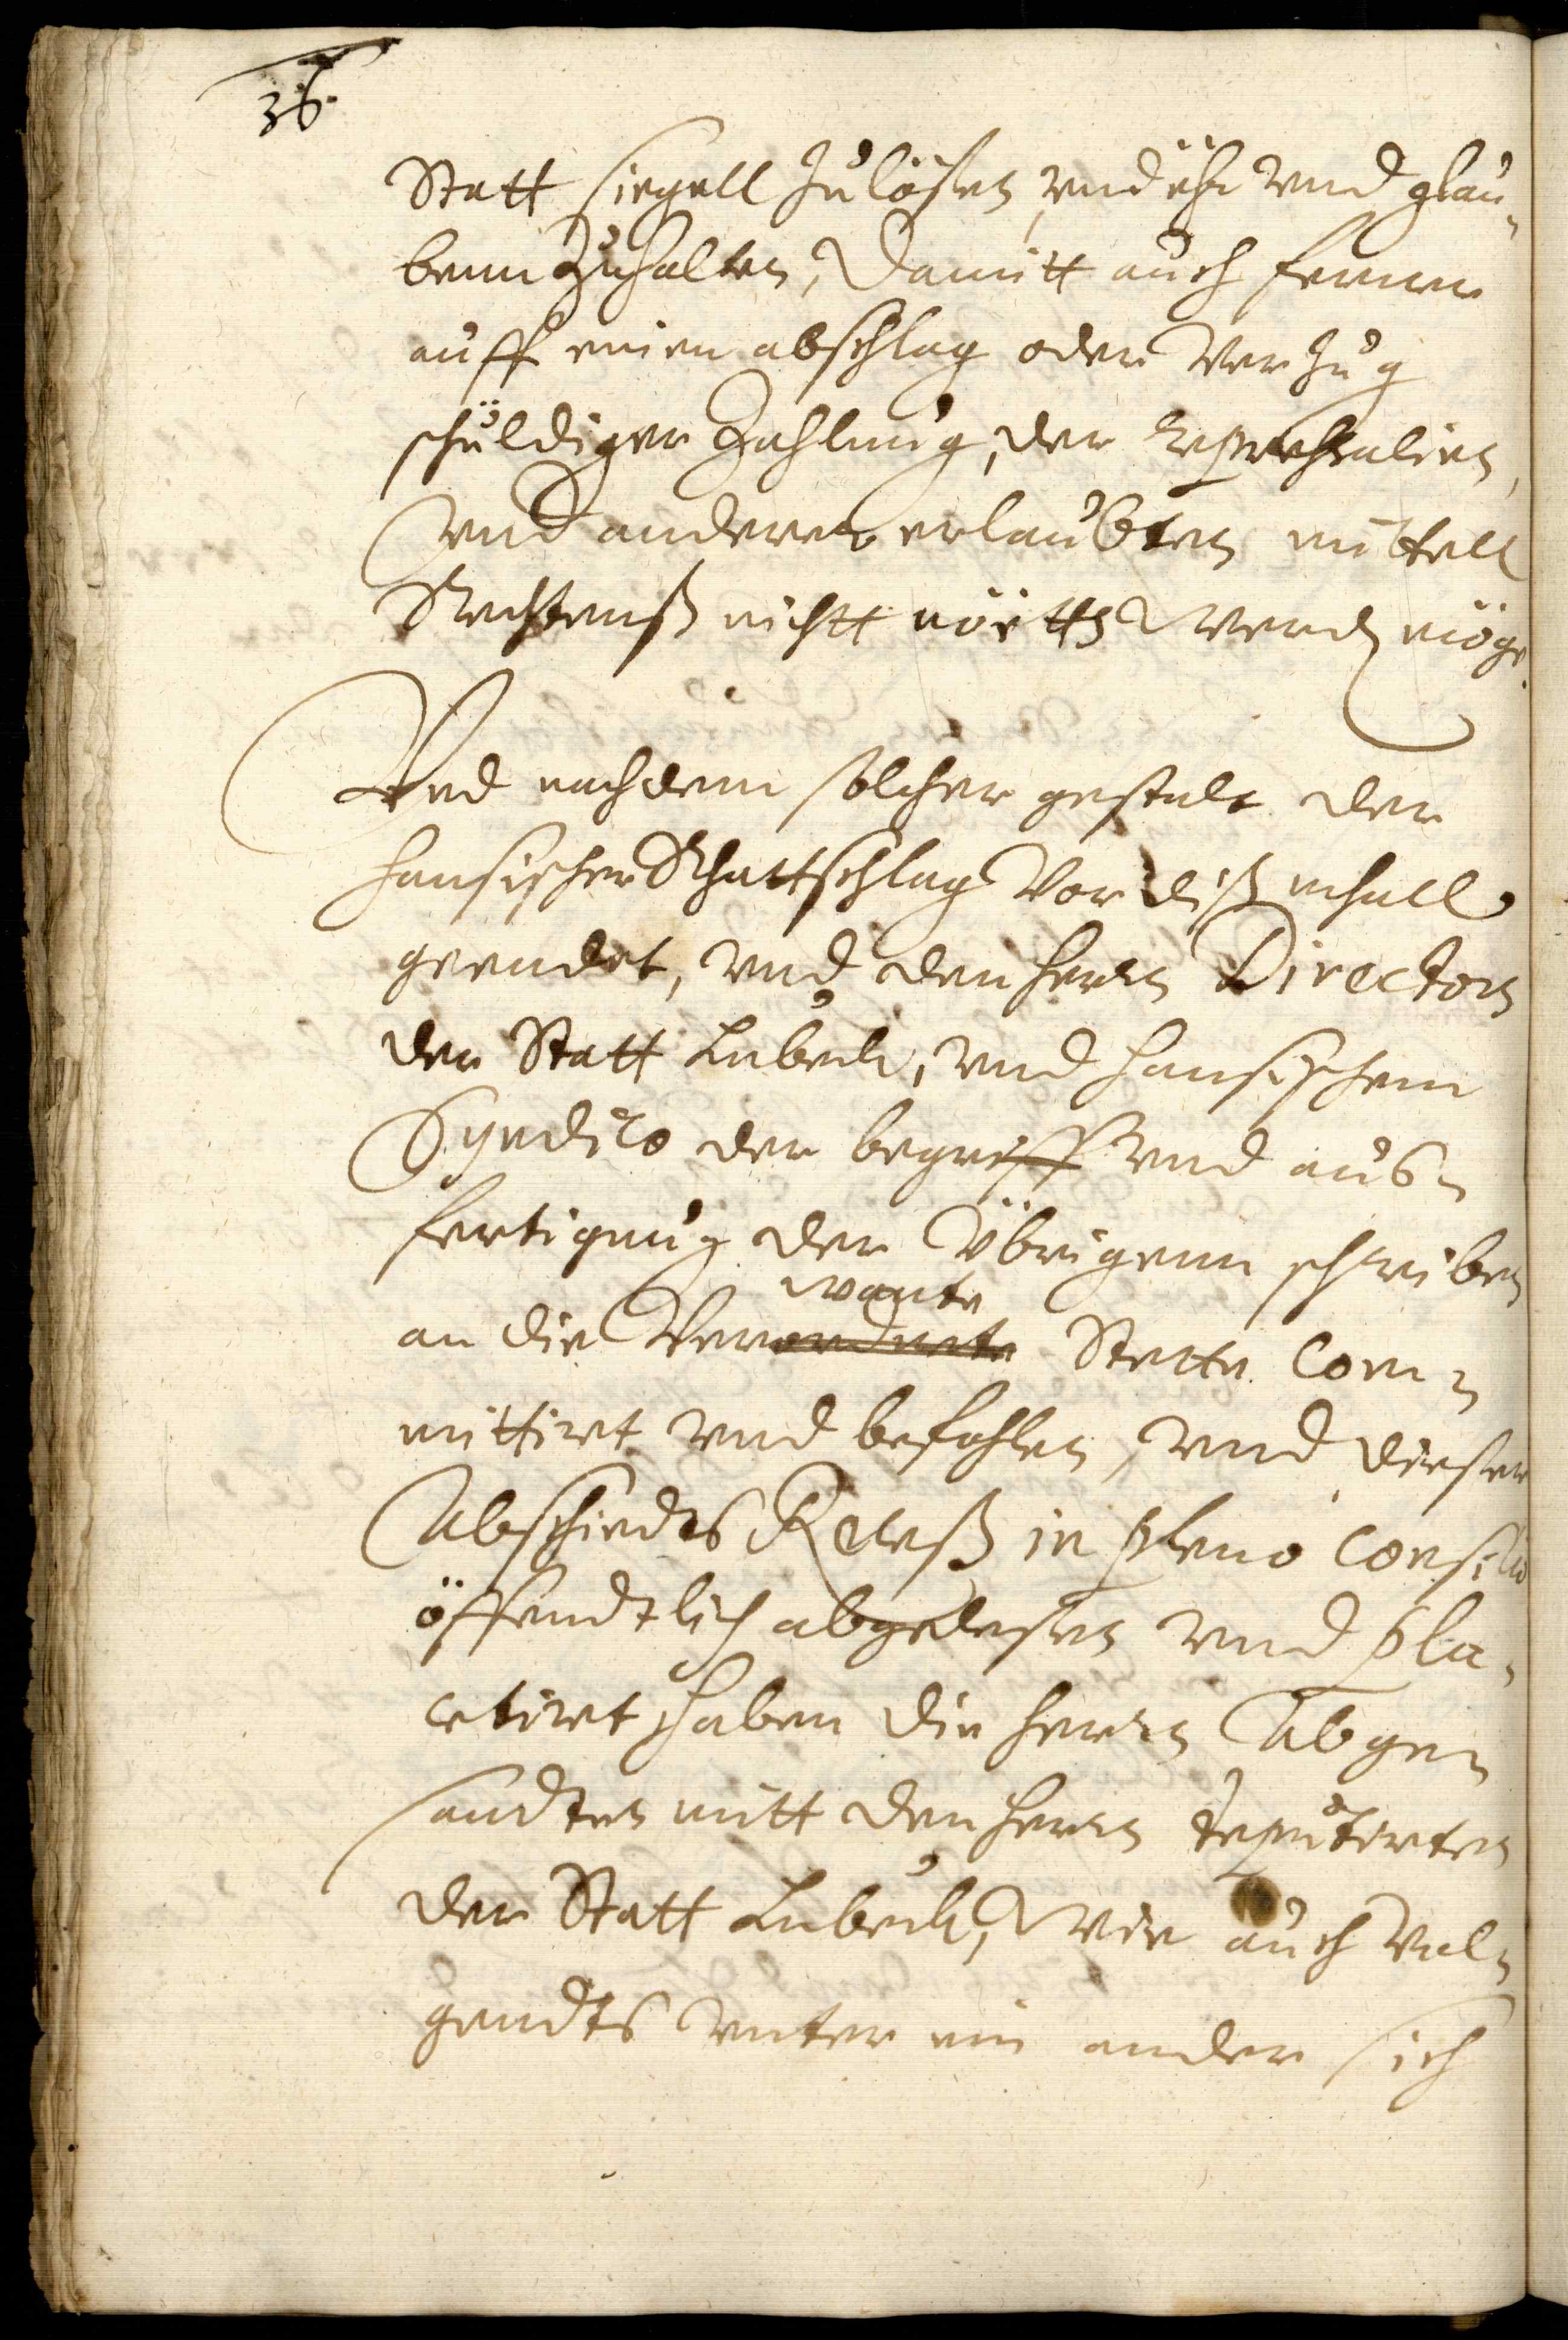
36
Statt siegell zu lösen vnd ëhr vnd glau¬
benn zuhalten, damitt auch ferne
auff einen abschlag oder verzug
schüldiger Zahlung, der repressalien,
vnd anderen erlaubten mittell
Rechtenß nichtt noëtts werden möge.
Vnd nachdem solcher gestalt der
Hansischer Rhattschlag Vor diß mhall
geendet, vnd den herrn Directorn
den Statt Lubeck, vnd hansischem
Syndico der begriff vnd aus¬
fertigung der vbrigenn schriben
wante
an die Verarmerte Stette, Com¬
mittiret vnd befohlen, vnd dieser
Abschiedes Receß in pleno consilio
öffendtlich abgelesen vnd pla¬
cetiret, haben die herrn Abge¬
sandten mitt den herrn deputirten
der Statt Lubeck, wie auch vol¬
gendts vnter ein ander sich
